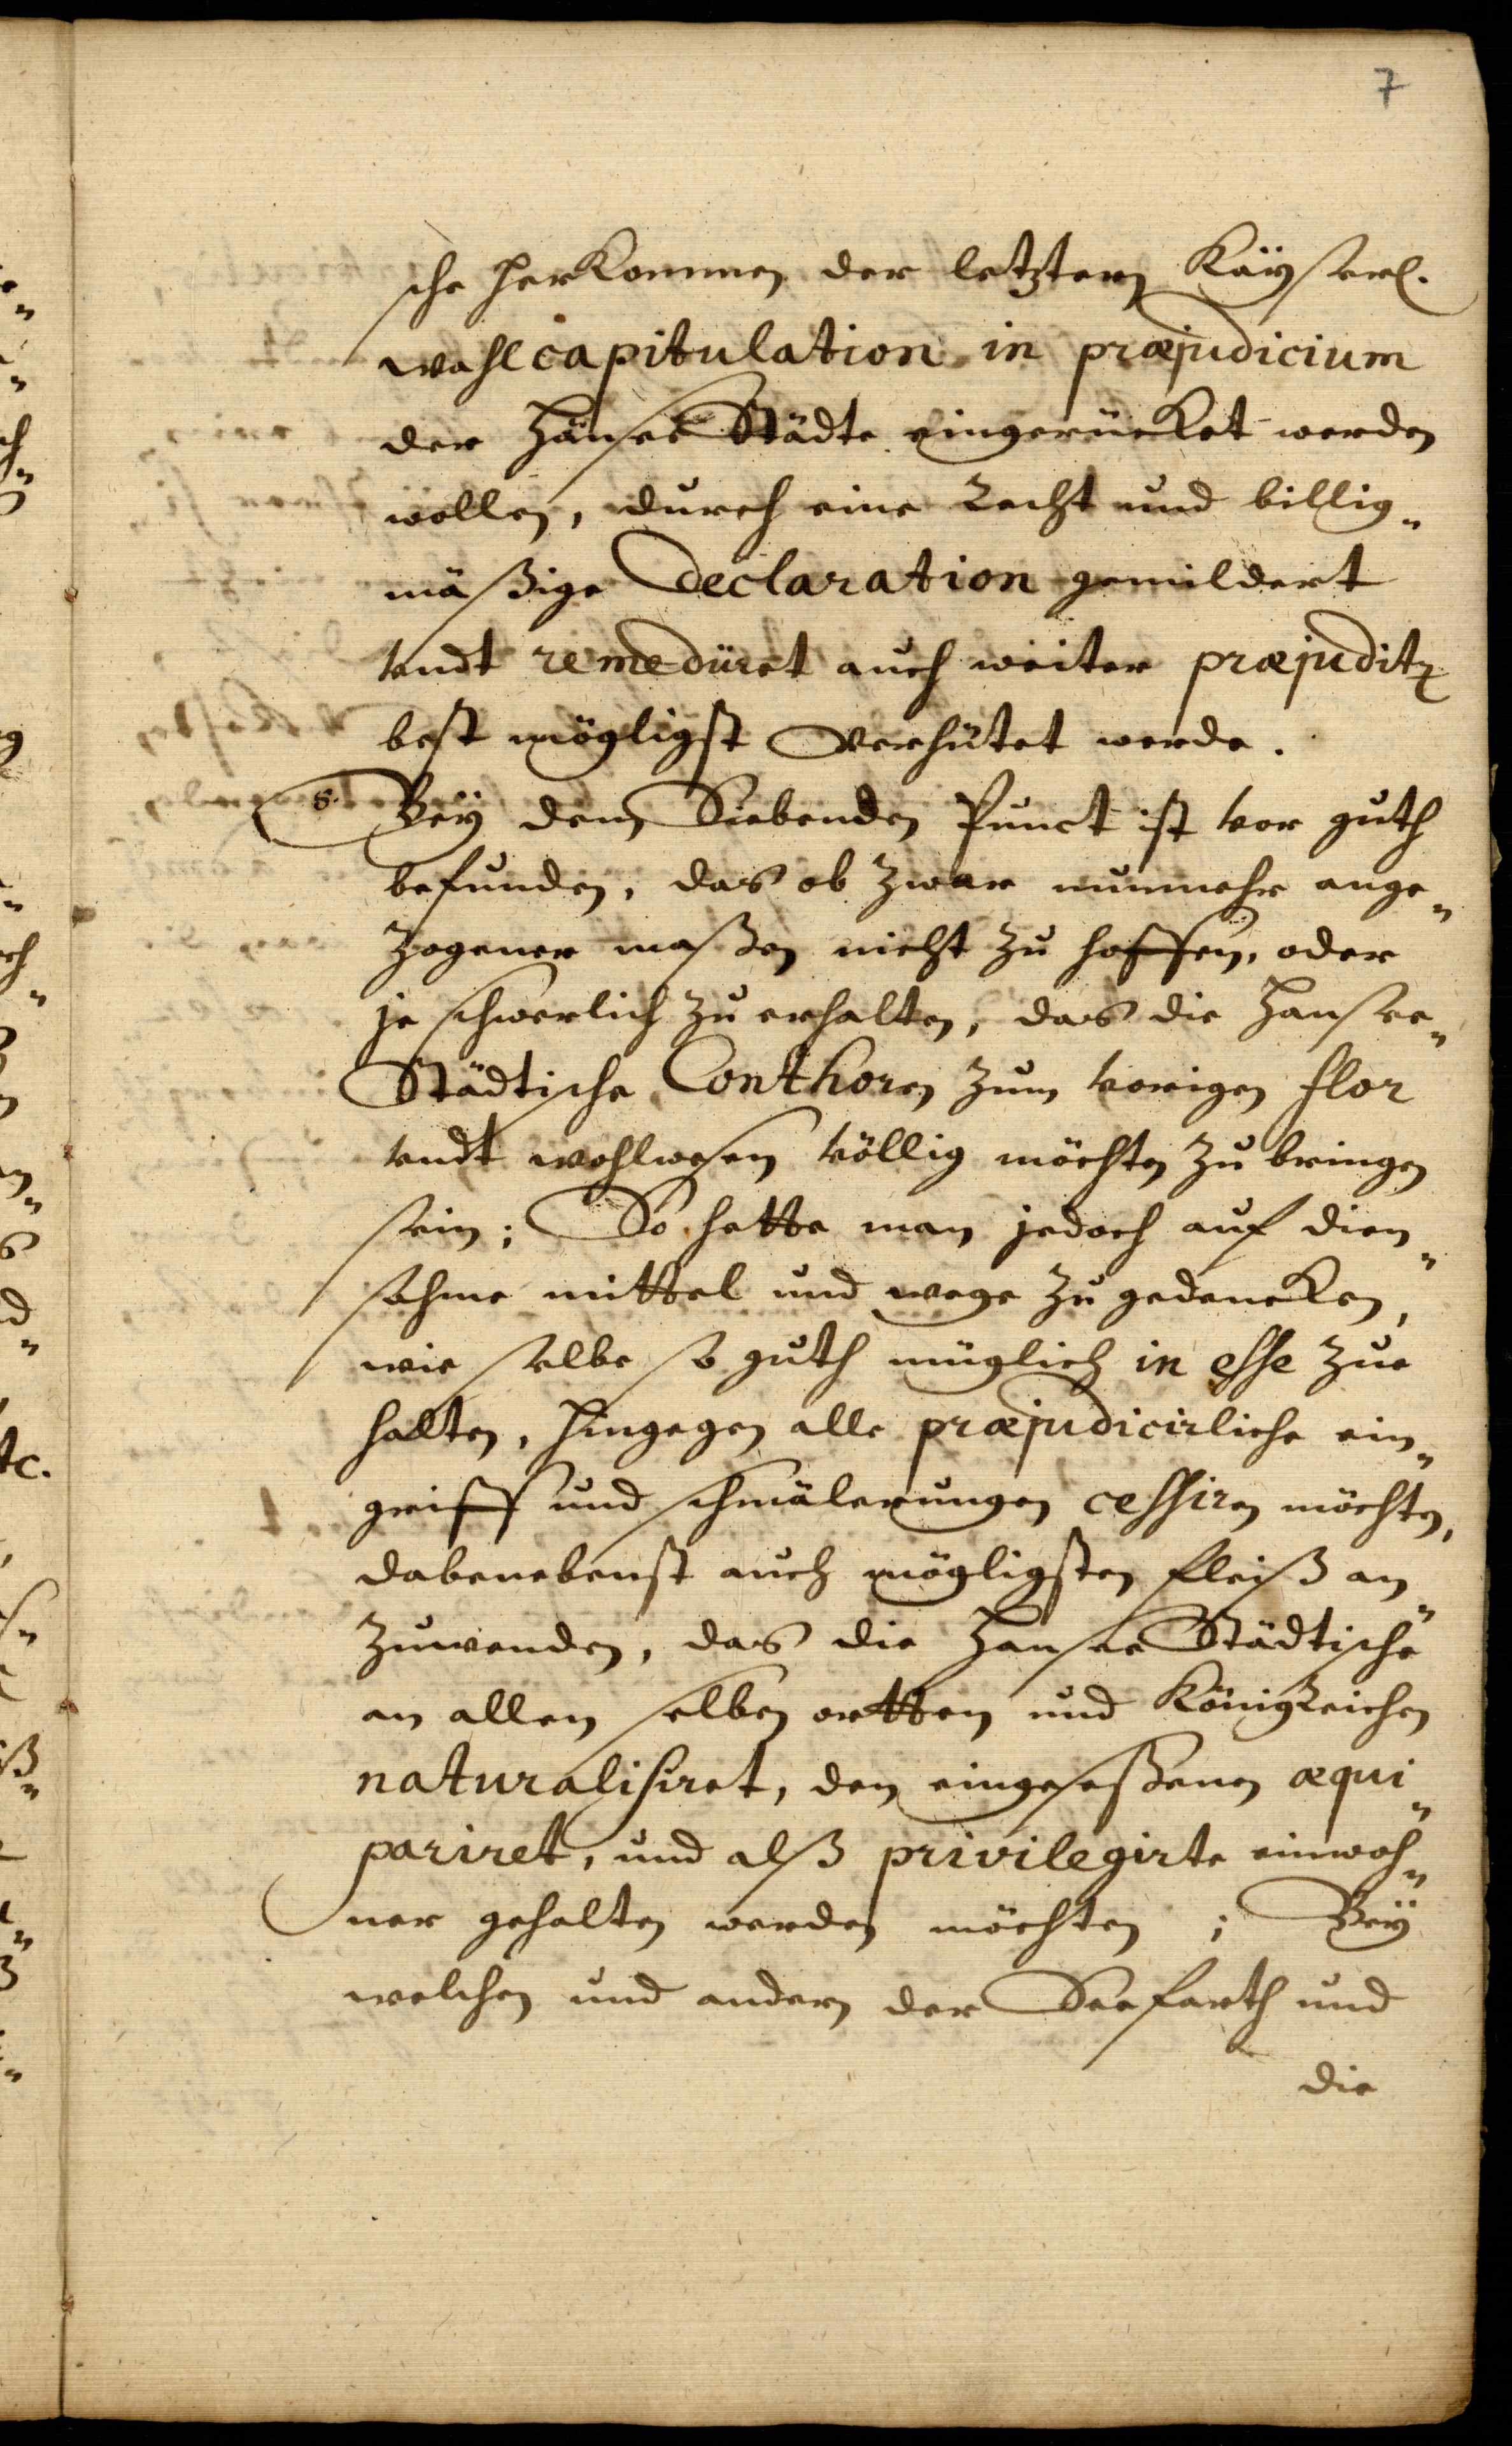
sche Herkommen der letztern Kaijserl.
wahlcapitulation in praejudicium
der Hänsee Städte eingerücket werden
wollen, durch eine Recht und billig¬
mäßige Declaration gemildert
vndt remediiret auch weiter praejuditz
best mögligst verhütet werde.
Beij dem Siebenden Punct ist vor guth
befunden, das ob zwar nunmehr ange¬
zogener maßen nicht zu hoffen, oder
je schwerlich zu erhalten, das die Hansee¬
Städtische Conthoren zum vorigen flor
vndt wohlwesen völlig möchten zu bringen
sein; So hatte man jedoch auf dien¬
sahme mittel und wege zu gedencken,
wie selbe so guth müglich in esse zue
halten, hingegen alle praejudicirliche ein¬
griff und schmälerungen cessiren möchten,
dabenebenst auch mögligsten fleiß an¬
zuwenden, das die Hansee Städtische
an allen selben ortten und Königreichen
naturalisieret, den eingeseßenen aequi¬
pariret, und alß privilegirte einwoh¬
ner gehalten werden möchten; Beij
welchen und anderen der Seefarth und
die
